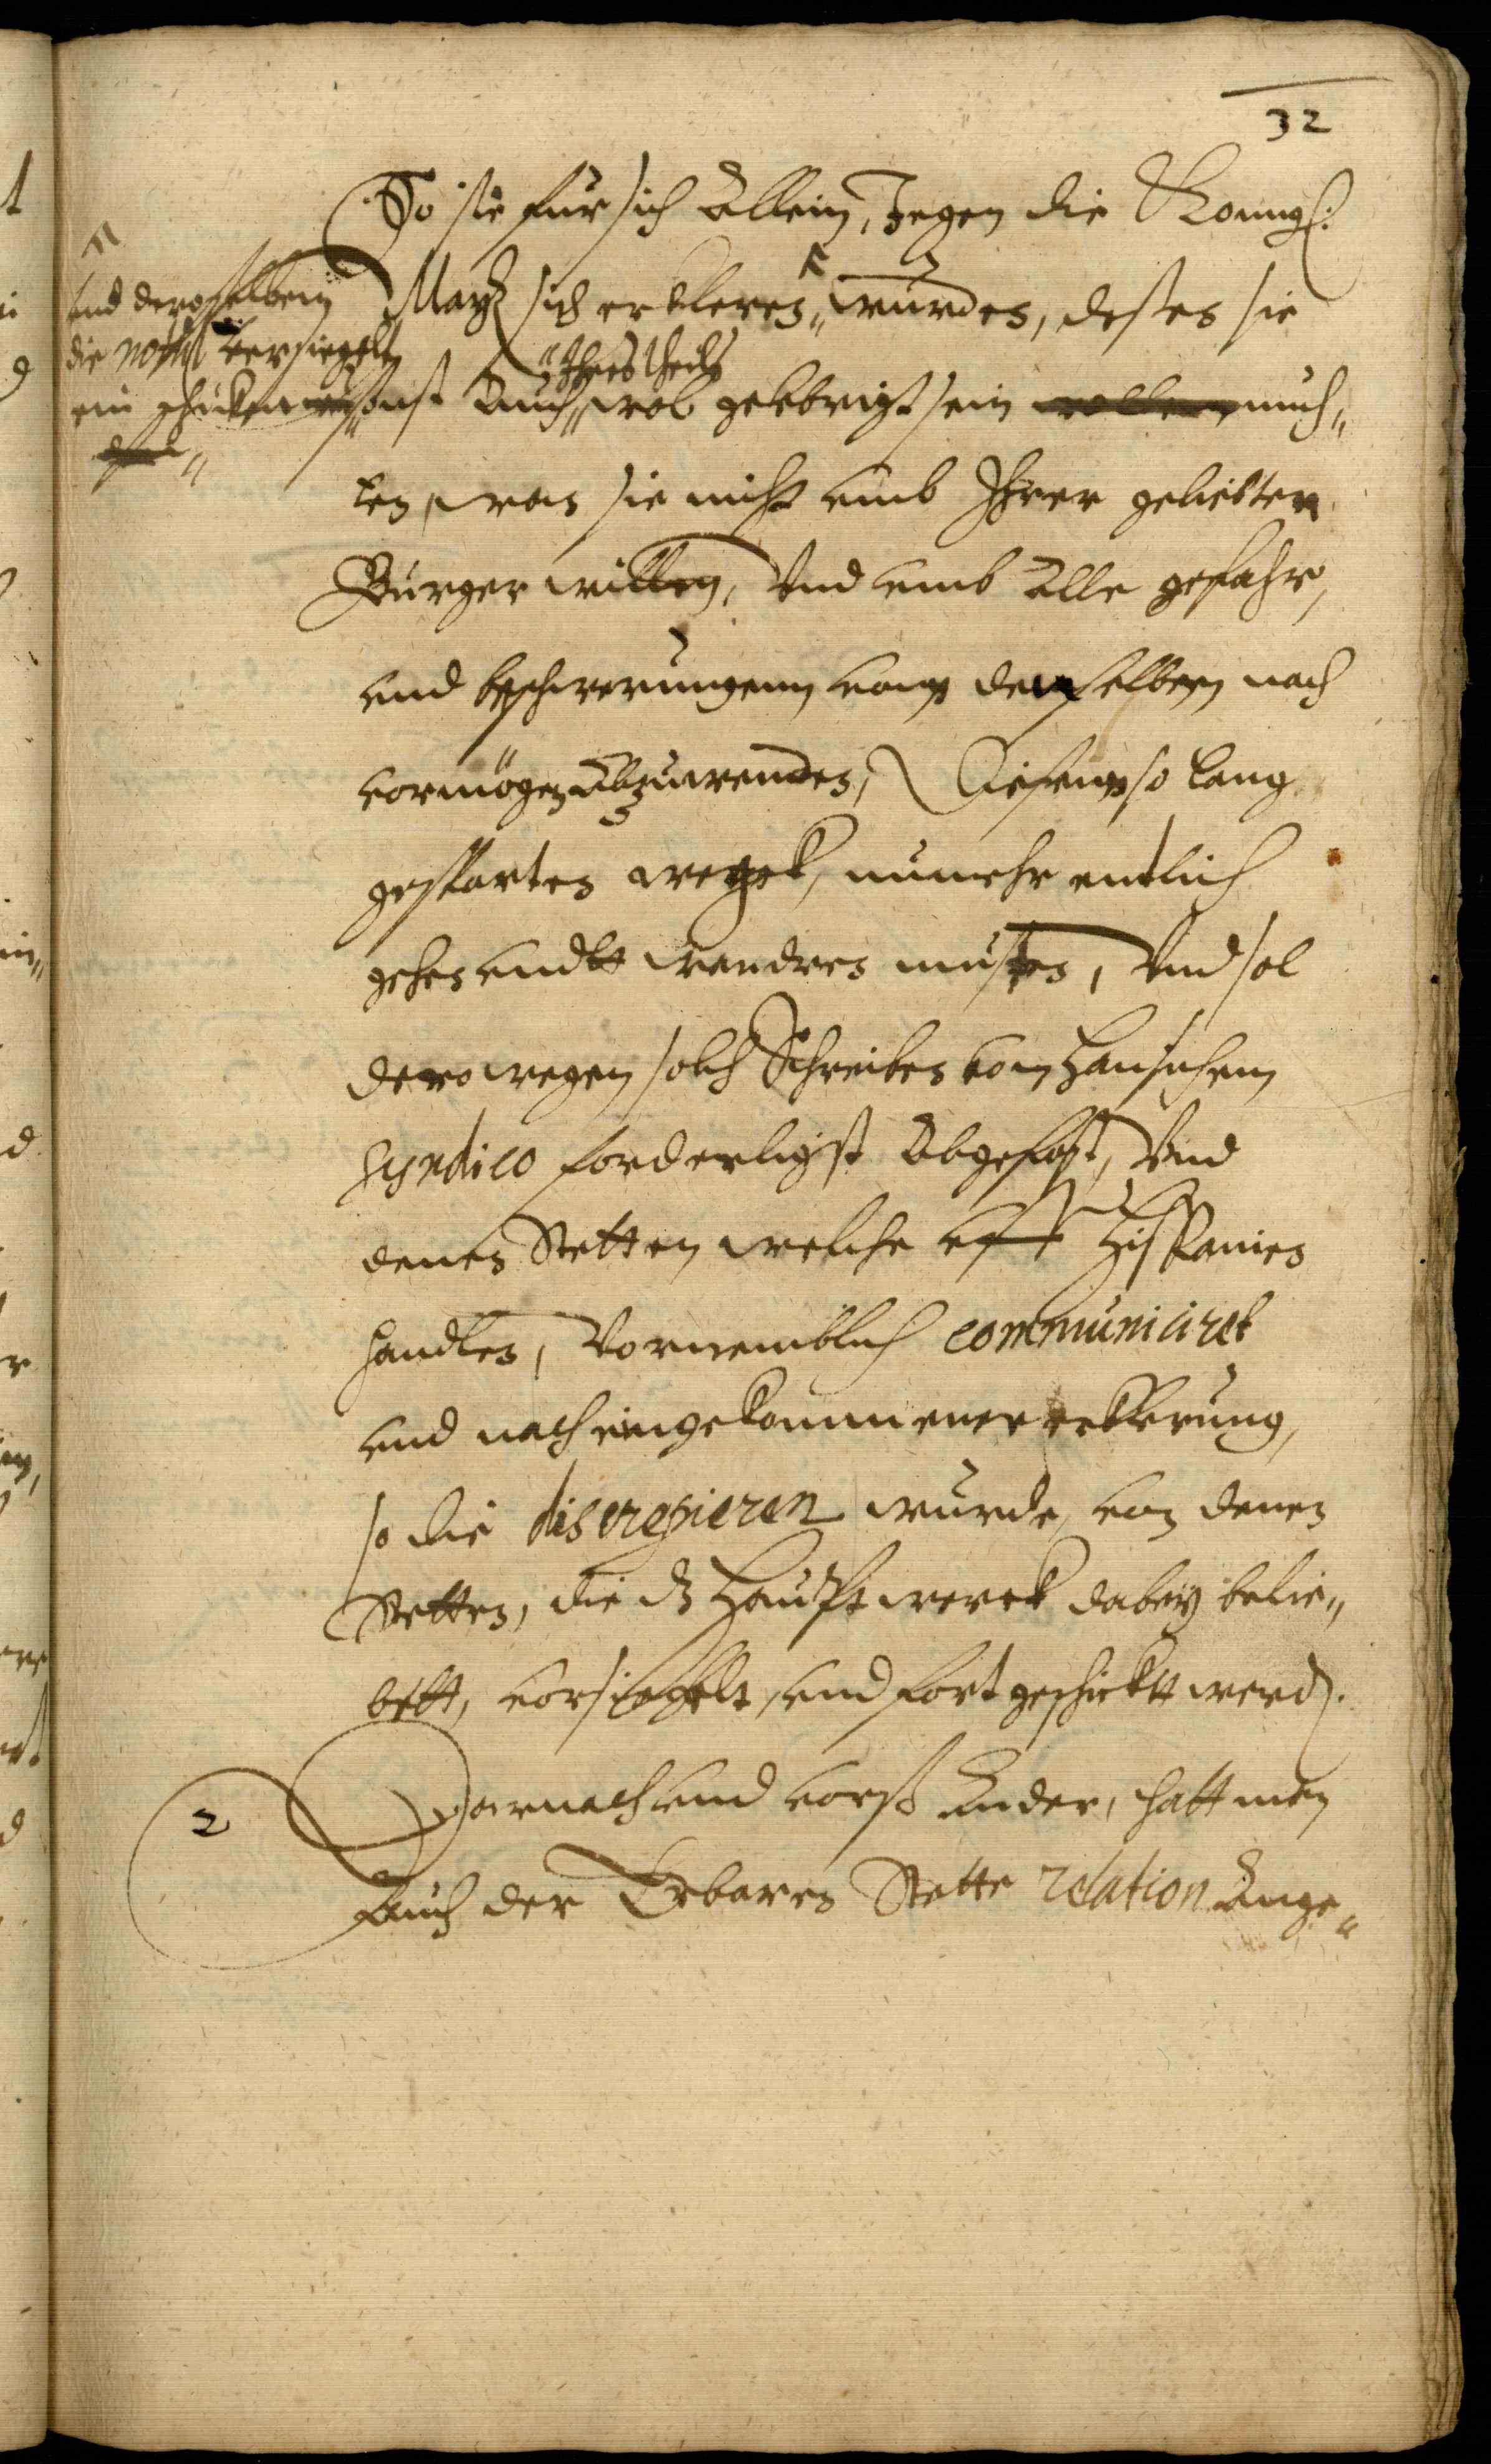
32
So sie fur sich Allein, Jegen die Konigl:
Mayt sich erkleren "F wurden, deses sie
Auch Ihres theils wol gevbrigt sein wollen much¬
ten, was sie nicht vmb Ihrer geliebten
Burger willen, Vnd vmb Alle gefahr
vnd beschwerungenn vonn denselbenn nach
vormögen Abzuwenden, Diesenn so lang
gesparten wegk, numehr entlich
gehen vndtt wandern mußen, Vnd sol
derowegen solch Schreiben von Hansischem
syndico forderlichst Abgefaßt, vnd
denen Stetten welche vff Hispanien
handlen, Vornemblich communiciret
vnd nach eingekommener erklerung,
so die discrepieren wurde von denen
Stetten, die das Hauptwerck dabeij belie¬
bett, vorsiegelt, vnd fortgeschicktt werden.
Darnach vnd vors ander, hatt man
auch der Erbaren Stette relation ange¬
F
vnd deroselben
die notul versiegelt
ein schicken nu sonst
den
2
